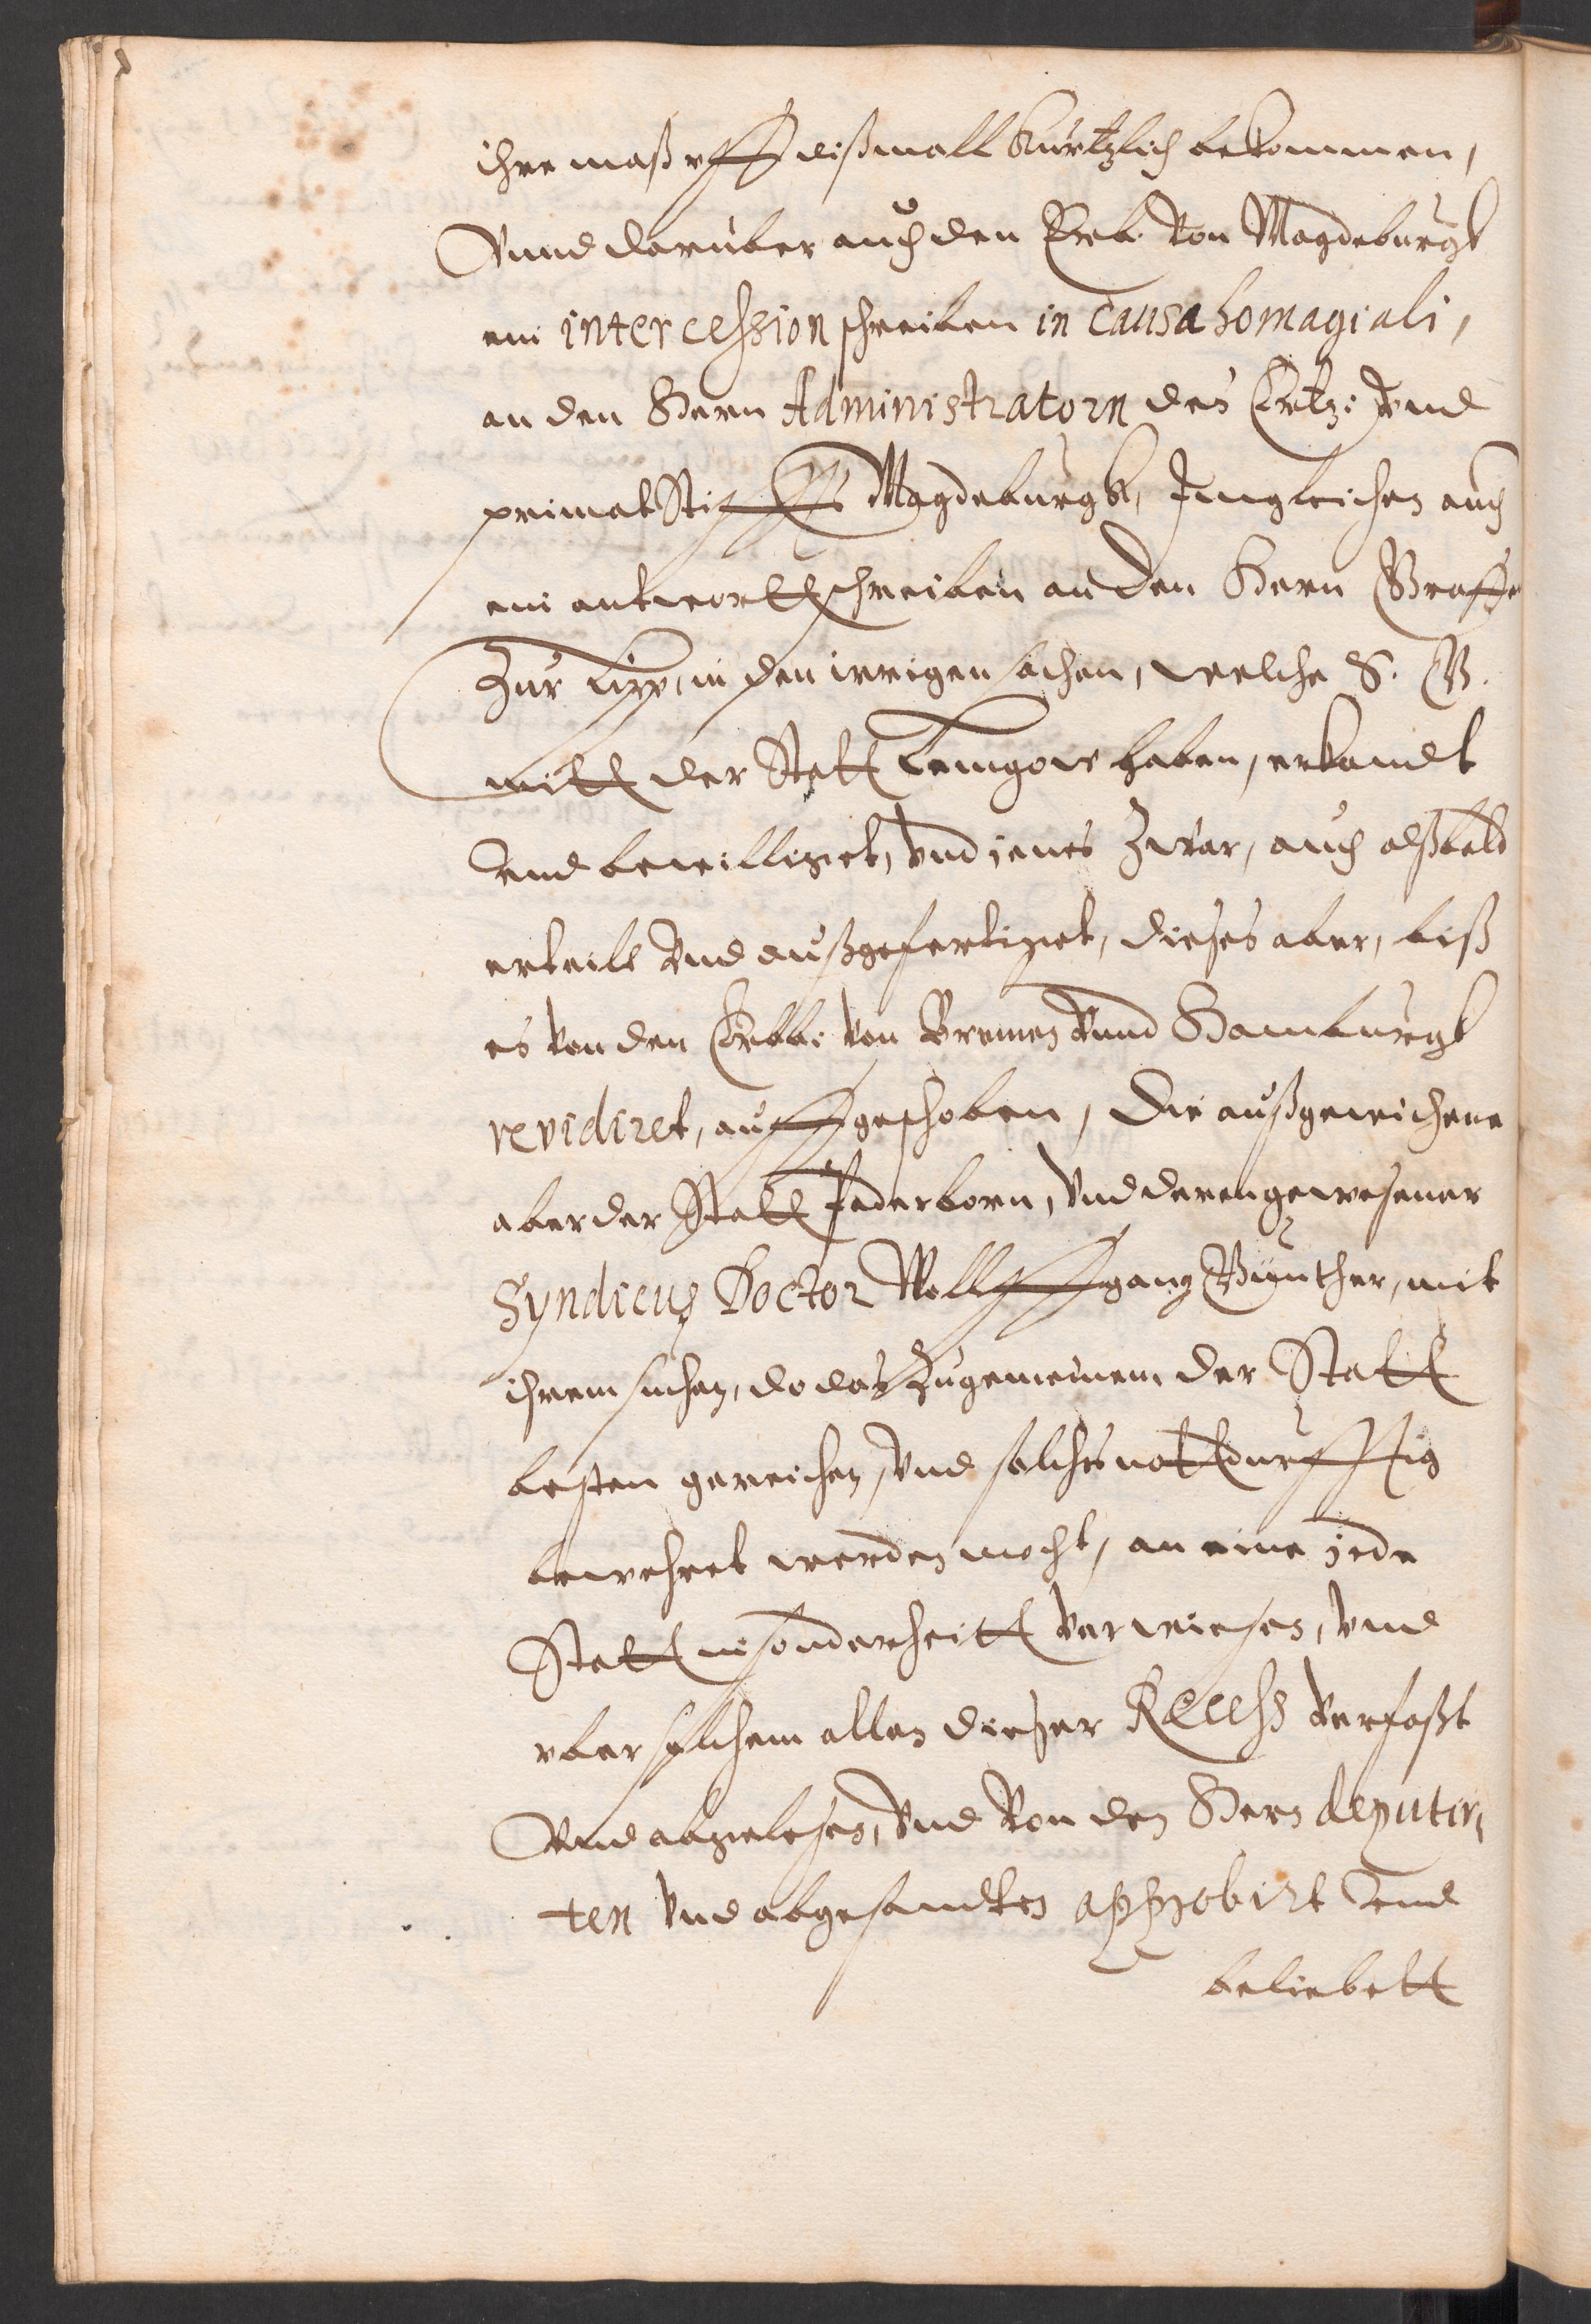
ihre maß vff dißmall kurtzlich bekommen,
vnnd daruber auch den Erb. von Magdeburgk
ein intercession schreiben in causa homagiali,
an den Hern Administratorn des Ertz: vnd
primat Stiffts Magdeburgk, Jmgleichen auch
ein antwortt schreiben an den Hern Graffen
zur Lipp, in den irrigen sachen, welche S. G.
mitt der Statt Lemgow haben, erkandt
vnd bewilliget, vnd jenes zwar, auch alßbald
erteilt vnd außgefertiget, dieses aber, biß
es von den Erbb: von Bremen vnnd Hamburgk
revidiret, auffgeschoben, Die außgewichene
bewehret werden mocht, an eine jede
aber der Statt Paderborn, vnd deren gewesener
Syndicus Doctor Wollffgang Günther, mit
ihrem suchen, do das zugemeinem der Statt
besten gereichen, vnd solches nottdurfftig
Statt in sonderheitt verwiesen, vnd
vber solchem allen dieser Recess verfaßt
vnd abgelesen, vnd von den Hern deputir¬
ten vnd abgesandten approbirt vnd
beliebett
